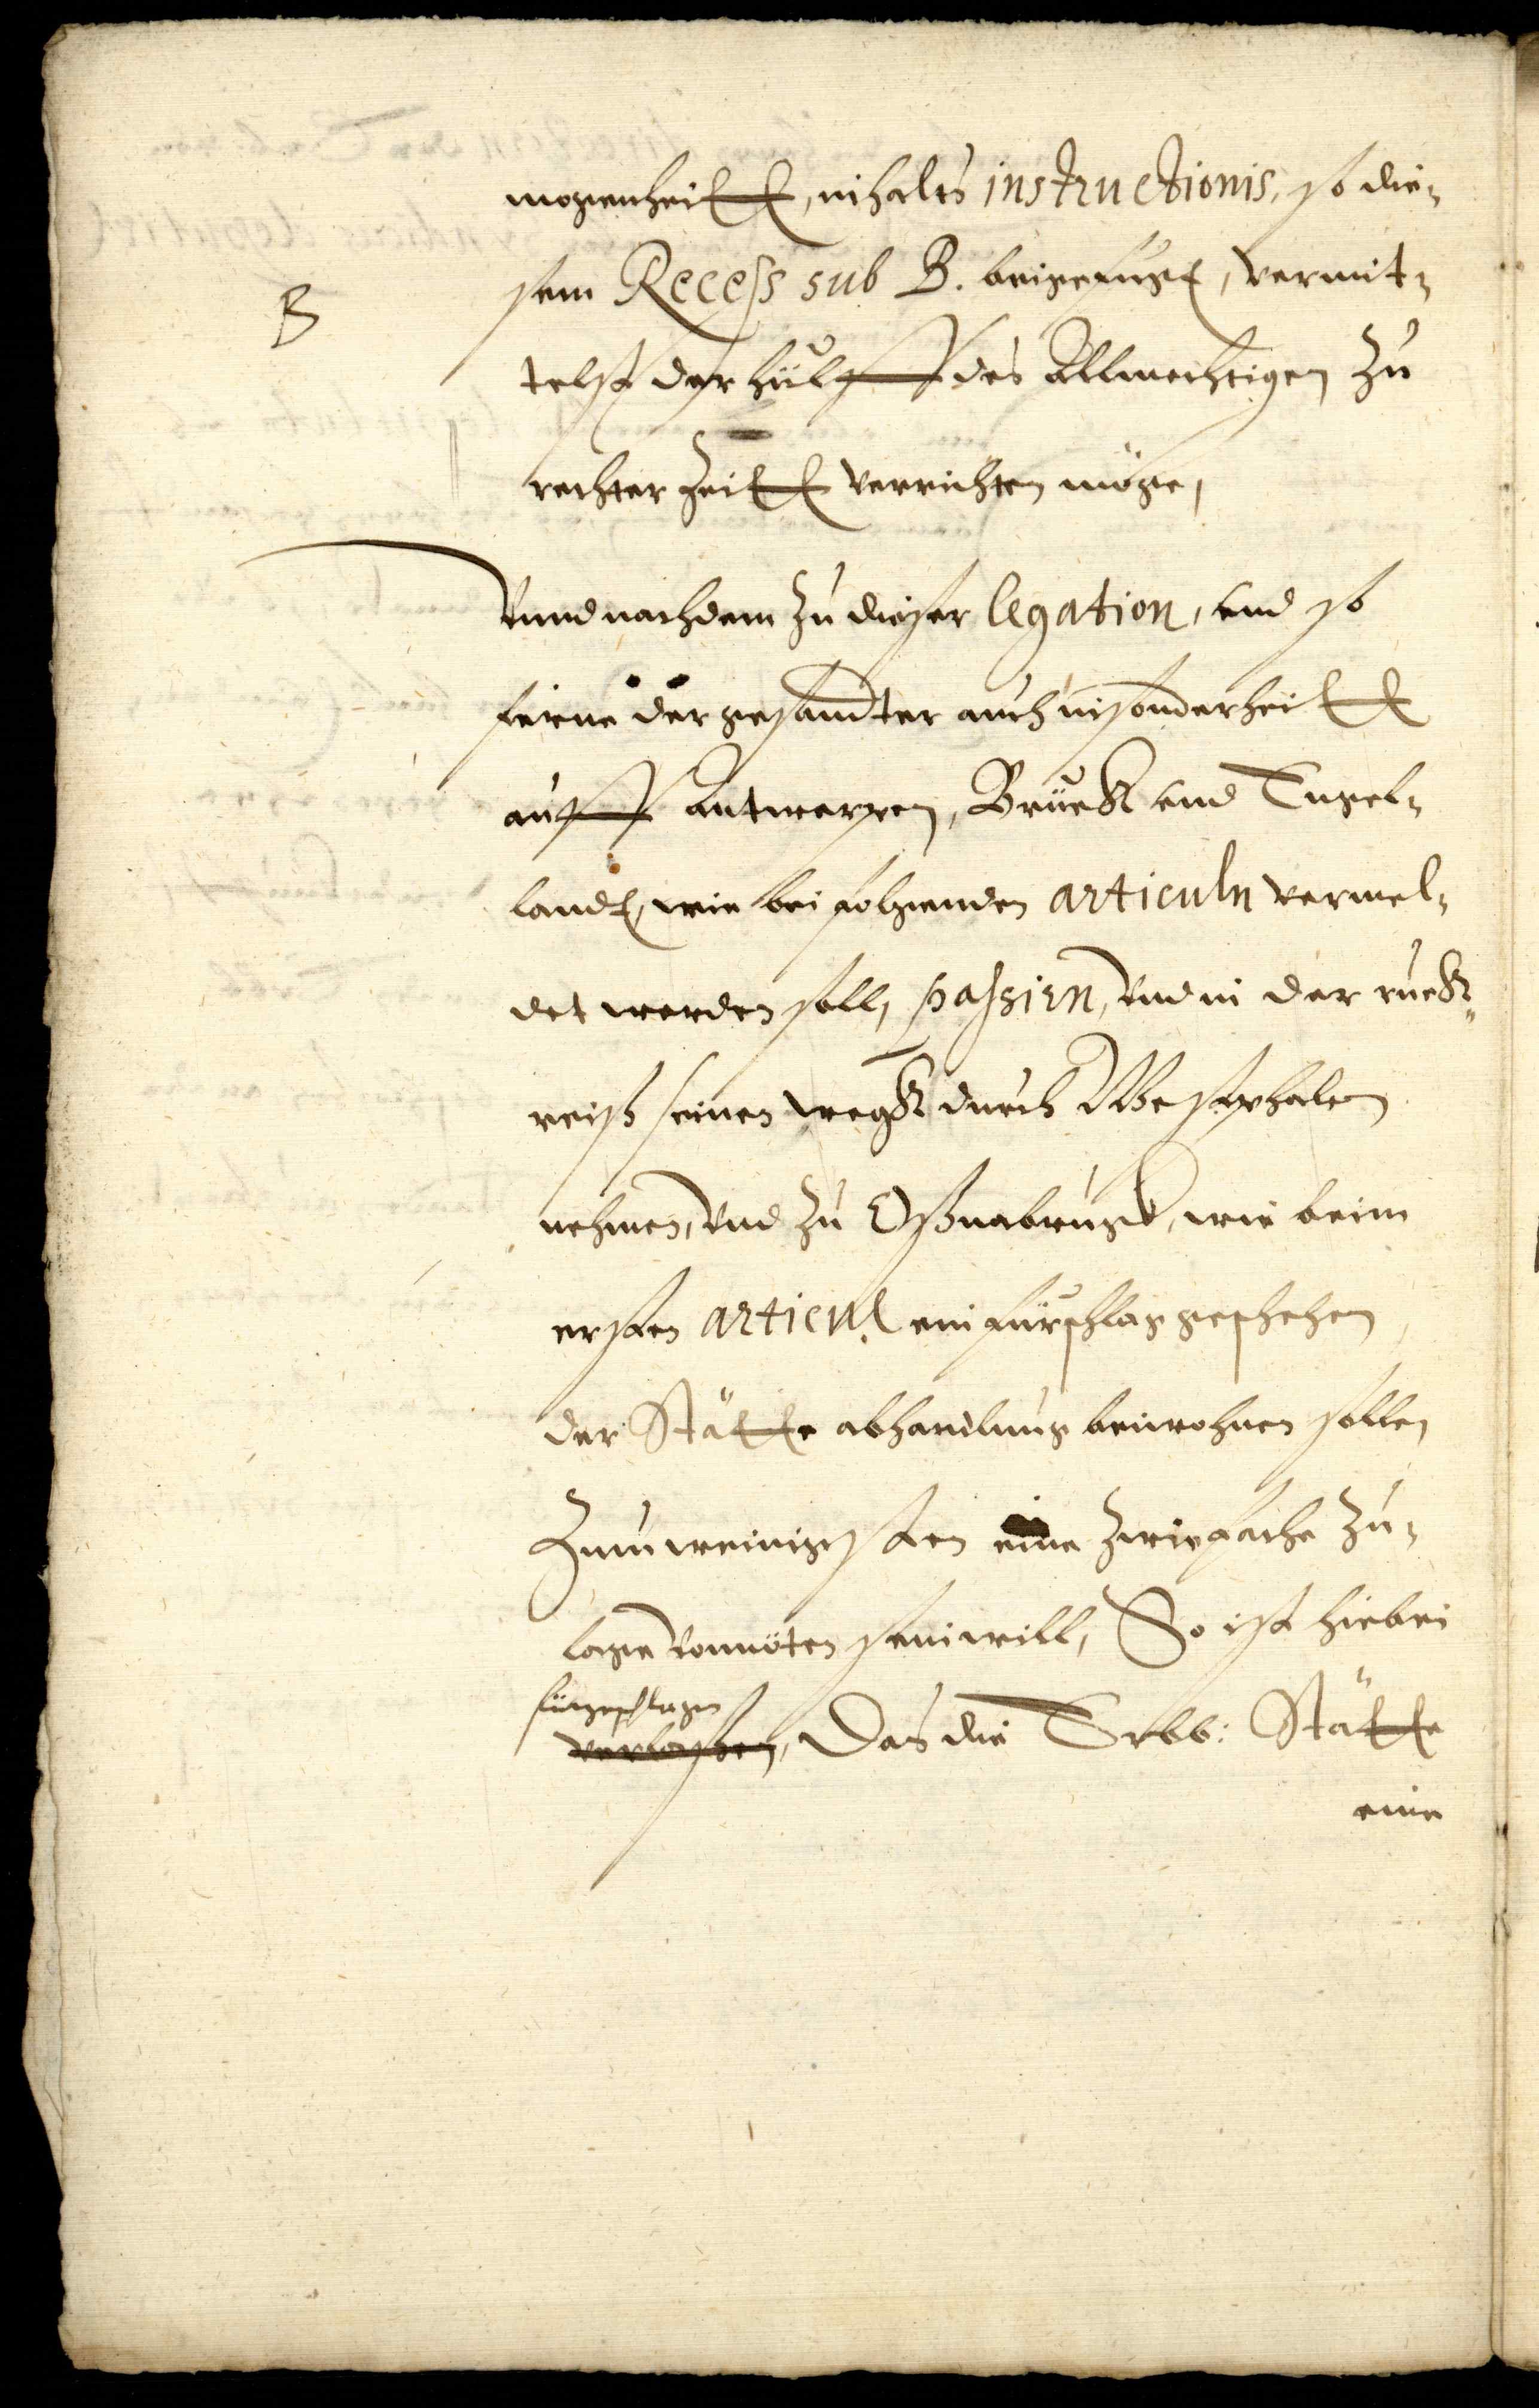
B
mogenheitt, inhalts instructionis so die¬
sem Recess sub B. beigefugt, vermit¬
telst der hülff des Allmechtigen zu
rechter Zeitt verrichten möge,
Vnd nachdem zu dieser legation, vnd so
ferne der gesandter auch insonderheitt
auff Antwerpen, Brück vnd Engel¬
landt, wie bei folgenden articuln vermel¬
det werden soll, passirn, Vnd in der ruck¬
reiß seinen wegk durch Westphalen
nehmen, Vnd Zu Osnabrugk, wie beim
ersten articul ein furschlag geschehen
der Stätte abhandlung beiwohnen sollen
Zum weinigsten eine Zwiefache zu¬
lage vonnöten seinwill, So ist hiebei
fürgeschlagen
verlosen, Das die Erbb; Stätte
eine
